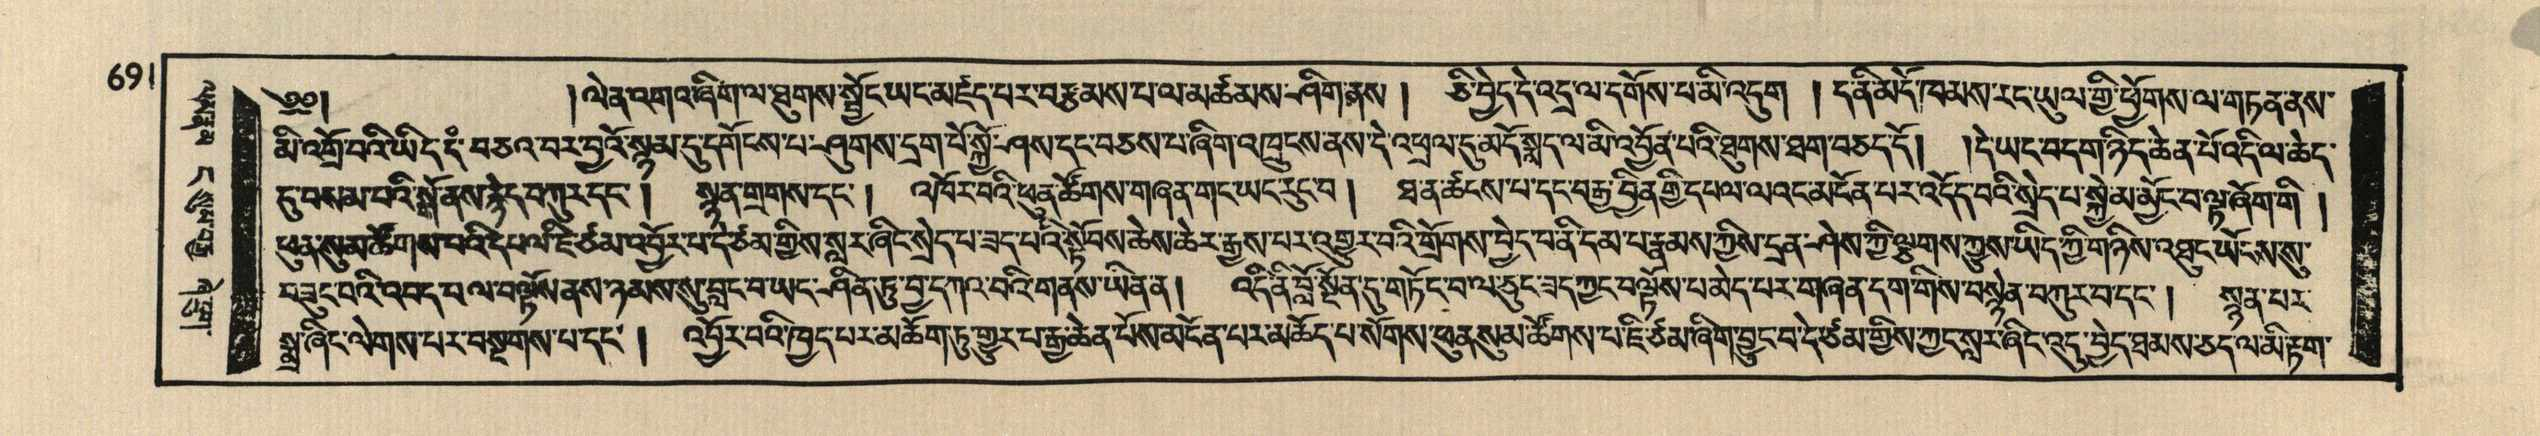༄༅། །ལེན་འགའ་ཞིག་ལ་ཐུགས་སྦྱོང་ཡང་མཛད་པར་བརྩམས་པ་ལ་མཚམས་ཤིག་ནས། ཅི་བྱེད་དེ་འདྲ་ལ་དགོས་པ་མི་འདུག །ད་ནི་མདོ་ཁམས་རང་ཡུལ་གྱི་ཕྱོགས་ལ་གཏན་ནས་
མི་འགྲོ་བའི་ཡིད་དཾ་བཅའ་བར་བྱའོ་སྙམ་དུ་དགོངས་པ་ཤུགས་དྲག་པོ་སྐྱོ་ཤས་དང་བཅས་པ་ཞིག་འཁྲུངས་ནས་དེ་འཕྲལ་དུ་མདོ་སྨད་ལ་མི་འབྱོན་པའི་ཐུགས་ཐག་བཅད་དོ། །དེ་ཡང་བདག་ཉིད་ཆེན་པོ་འདི་ལ་ཆེད་
དུ་བསམ་པའི་སྒོ་ནས་རྙེད་བཀུར་དང་། སྙན་གྲགས་དང་། འཁོར་བའི་ཕུན་ཚོགས་གཞན་གང་ཡང་རུང་བ། ཐ་ན་ཚངས་པ་དང་བརྒྱ་བྱིན་གྱི་དཔལ་ལའང་མངོན་པར་འདོད་བའི་སྲེད་པ་སྐྱེ་མ་མྱོང་བ་ལྟ་ཞོག་གི །
ཕུན་སུམ་ཚོགས་པའི་དཔལ་ཇི་ཙམ་འབྱོར་པ་དེ་ཙམ་གྱིས་སླར་ཞིང་སྲེད་པ་ཟད་པའི་སྟོབས་ཆེས་ཆེར་རྒྱས་པར་འགྱུར་བའི་གྲོགས་བྱེད་པ་ནི་དམ་པ་རྣམས་ཀྱིས་དྲན་ཤེས་ཀྱི་ལྕགས་ཀྱུས་ཡིད་ཀྱི་གཉིས་འཐུང་ཡོངས་སུ་
བཟུང་བའི་འབད་པ་ལ་བལྟོས་ནས་ཉམས་སུ་བླང་བ་ཡང་ཤིན་ཏུ་བྱ་དཀའ་བའི་གནས་ཡིན་ན། འདི་ནི་བློ་སྔོན་དུ་གཏོང་བ་ལ་ཅུང་ཟད་ཀྱང་བལྟོས་པ་མེད་པར་གཞན་དག་གིས་བསྙེན་བཀུར་བ་དང་། སྙན་པར་
སྨྲ་ཞིང་ལེགས་པར་བསྔགས་པ་དང་། འབྱོར་བའི་ཁྱད་པར་མཆོག་ཏུ་གྱུར་པ་རྒྱ་ཆེན་པོས་མངོན་པར་མཆོད་པ་སོགས་ཕུན་སུམ་ཚོགས་པ་ཇི་ཙམ་ཞིག་བྱུང་བ་དེ་ཙམ་གྱིས་ཀྱང་སླར་ཞིང་འདུ་བྱེད་ཐམས་ཅད་ལ་མི་རྟག་